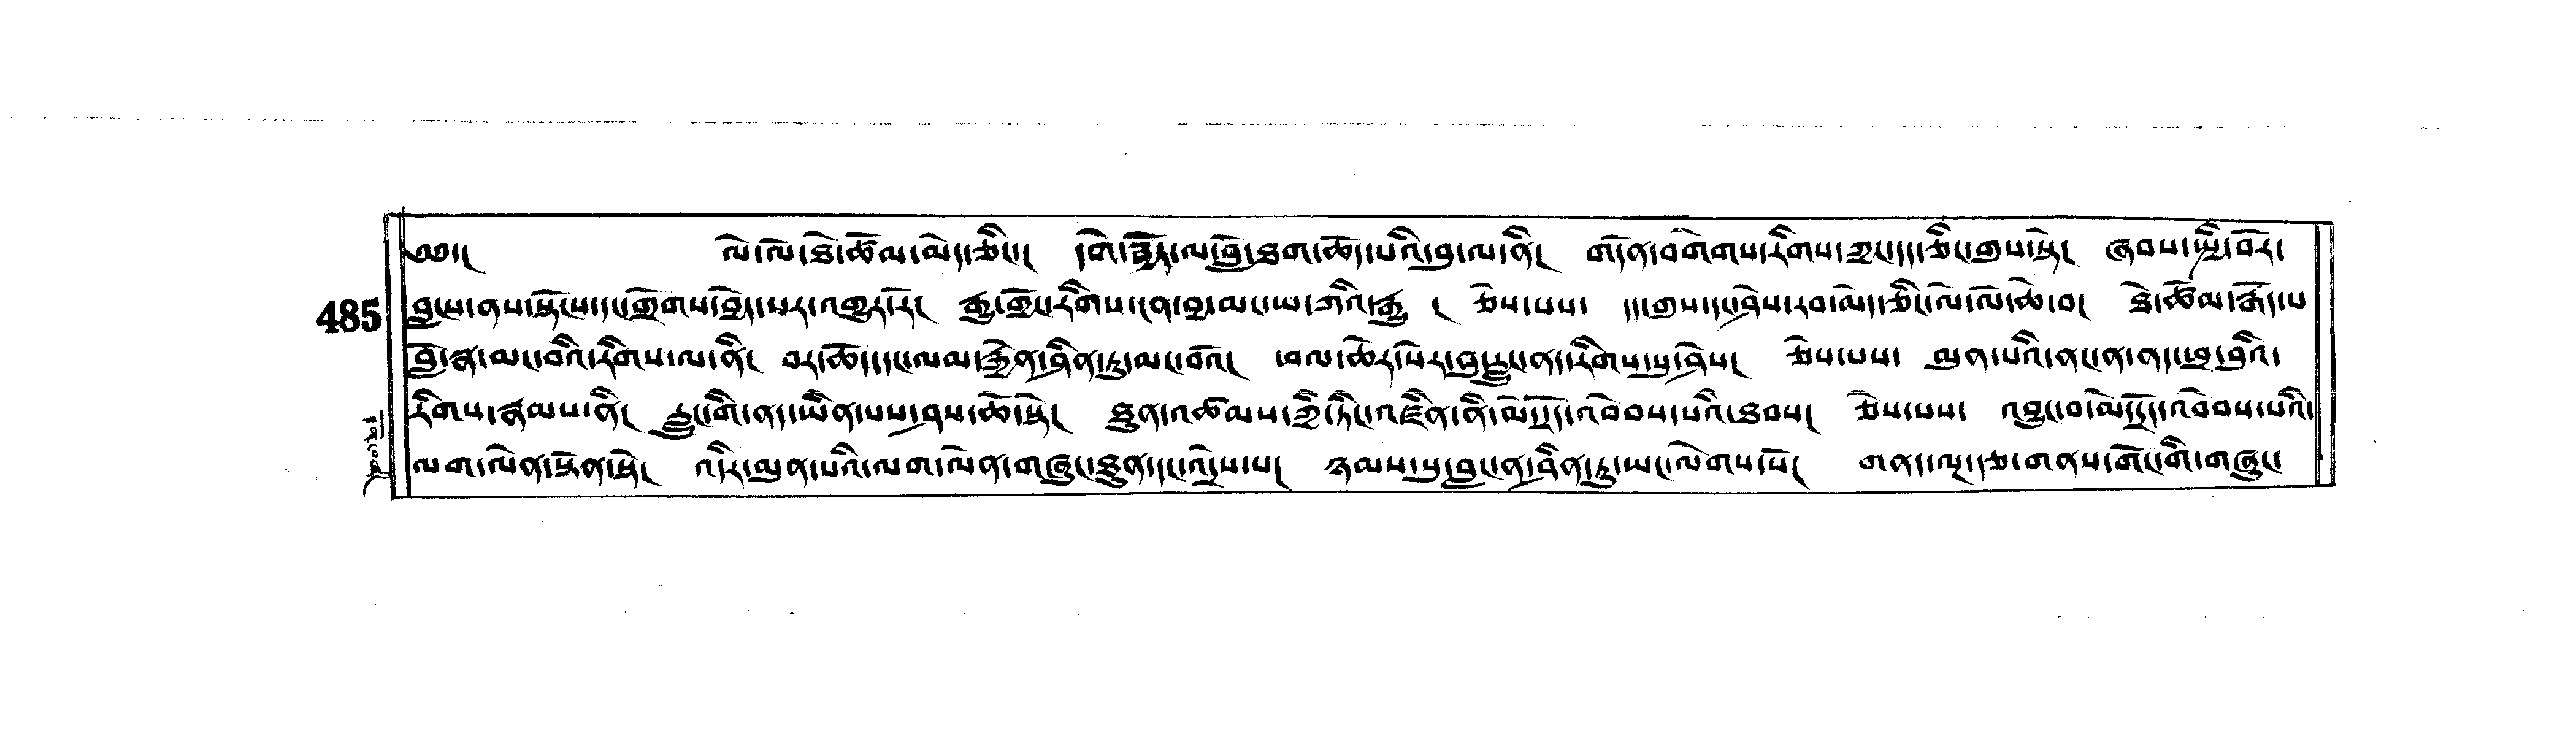ལེ་ལོ་ཐེ་ཚོམ་མེད་ཅིང་། དགེ་སྦྱོར་ལ་བློ་ཐག་ཆོད་པའི་བུ་ལ་ནི། གདོན་བགེགས་རིགས་ཀྱང་དད་ཅིང་གུས་ཏེ། ཞབས་སྤྱི་བོར་
བླངས་ནས་སྡོང་དང་གྲོགས་བྱེད་པར་འགྱུར་རོ། རྒྱུ་གྱོང་རིགས་ངན་བྱ་མང་ཡ་གའི་རྒྱུ། ཅེས་པས། དད་གུས་དང་ཤེས་རབ་མེད་ཅིང་ལེ་ལོ་ཆེ་བ། ཐེ་ཚོམ་རྒོད་པ་
བློ་སྣ་མང་བའི་རིགས་ལ་ནི། བར་ཆོད་དང་ལམ་རྐྱེན་ཤིན་ཏུ་མང་བའོ། ཕལ་ཆེར་སེར་བུ་རླུང་ནད་རིགས་སུ་ཤེས། ཅེས་པས། མུན་པའི་ནང་ནས་ནད་ཕྲ་བུའི་
རིགས་རྣམས་ནི། རླུང་གི་ནད་ཡིན་པ་ཤས་ཆེ་སྟེ། ཐུན་མཚམས་ཀྱི་ཏིང་འཛིན་ནི་མེ་དྲོད་འབེབས་པའི་ཐབས། ཅེས་པས། འབྱུང་བ་མེ་དྲོད་འབེབས་པའི་
ལག་ལེན་སྟོན་ཏེ། འདིར་མུན་པའི་ལག་ལེན་གཞུང་ཐུན་དང་འདྲེས་པ། ཉམས་སུ་བླང་ན་ཤིན་ཏུ་ཡང་ལེགས་སོ། གནད་ལྔ་རྩ་གནས་གོང་གི་གཞུང་